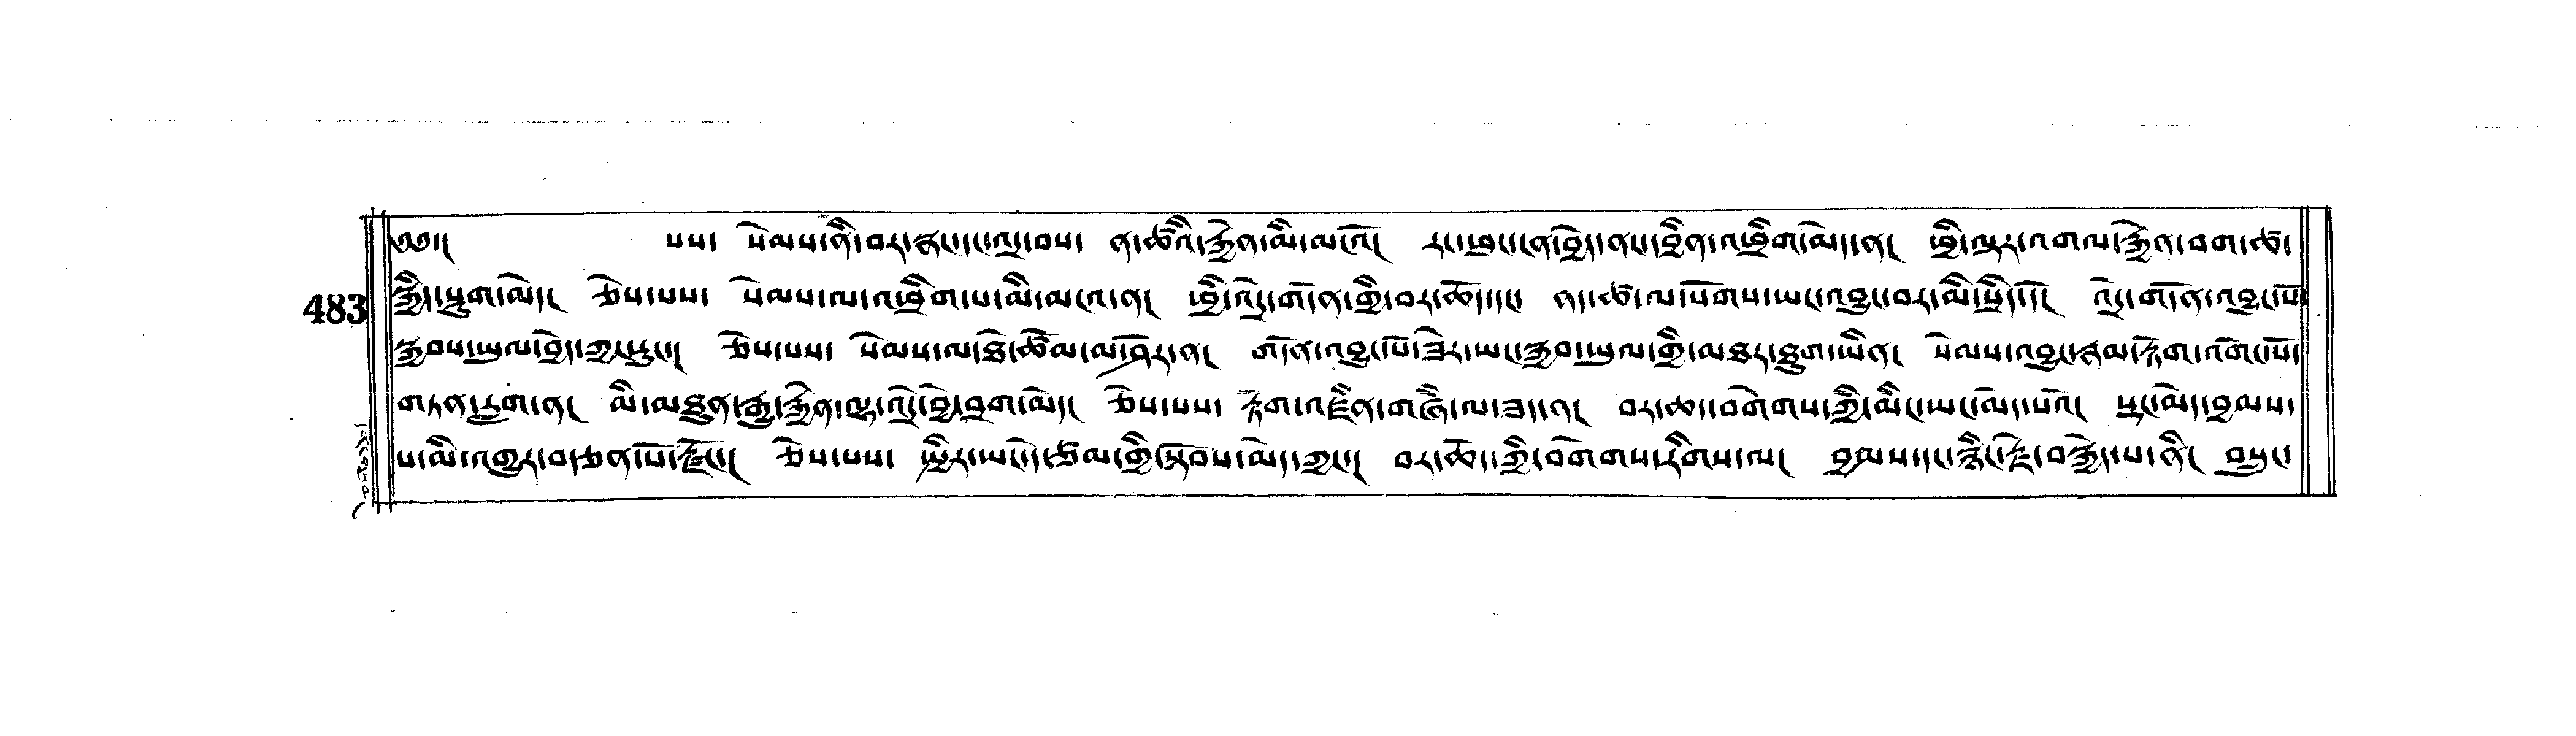པས། སེམས་ནི་བར་སྣང་དང་འདྲ་བས་ ན་ཚའི་རྐྱེན་མི་མངའ་འོ། རང་ཕུང་ནང་བྱེད་ངན་དབྱིན་འཕྲིག་མེད་ན། ཕྱི་ལྟར་འགལ་རྐྱེན་བག་ཚ་
སྐྱིད་སྡུག་མེད། ཅེས་པས། སེམས་ལ་འཕྲིག་པ་མི་མངའ་ན། ཕྱི་འདྲེ་གདོན་གྱི་བར་ཆོད་དང་། ནད་ཚ་ལ་སོགས་ཡང་འབྱུང་བར་མི་སྲིད་དོ། འདྲེ་གདོན་འབྱུང་པོ་
སྐྱབས་ཡུལ་བྱེད་ཀྱང་རུང་། ཅེས་པས། སེམས་ལ་ཐེ་ཚོམ་མ་ཤོར་ན། གདོན་འབྱུང་པོ་ཟེར་ཡང་སྐྱབས་ཡུལ་གྱི་མཐར་ཐུག་ཡིན། སེམས་འབྱུང་རྣམ་རྟོག་འགོང་པོ་
གཏན་བརླག་ན། མི་མཐུན་རྒྱུ་རྐྱེན་ལྷ་འདྲེ་བྱེ་བྲག་མེད། ཅེས་པས། རྟག་འཛིན་གཞི་ལ་ཟད་ན། བར་ཆད་བགེགས་ཀྱི་མིང་ཡང་མེད་པའོ། སྡང་མེད་བྱམས་པ་
མི་འགྱུར་བརྩན་པོ་རྫོང་། ཅེས་པས། སྤྱིར་ཡང་དེ་ཙམ་གྱི་སྟོབས་མེད་ཀྱང་། བར་ཆོད་ཀྱི་བགེགས་རིགས་ལ། བྱམས་དང་སྙིང་རྗེ་བསྐྱེད་པ་ནི། བསྲུང་